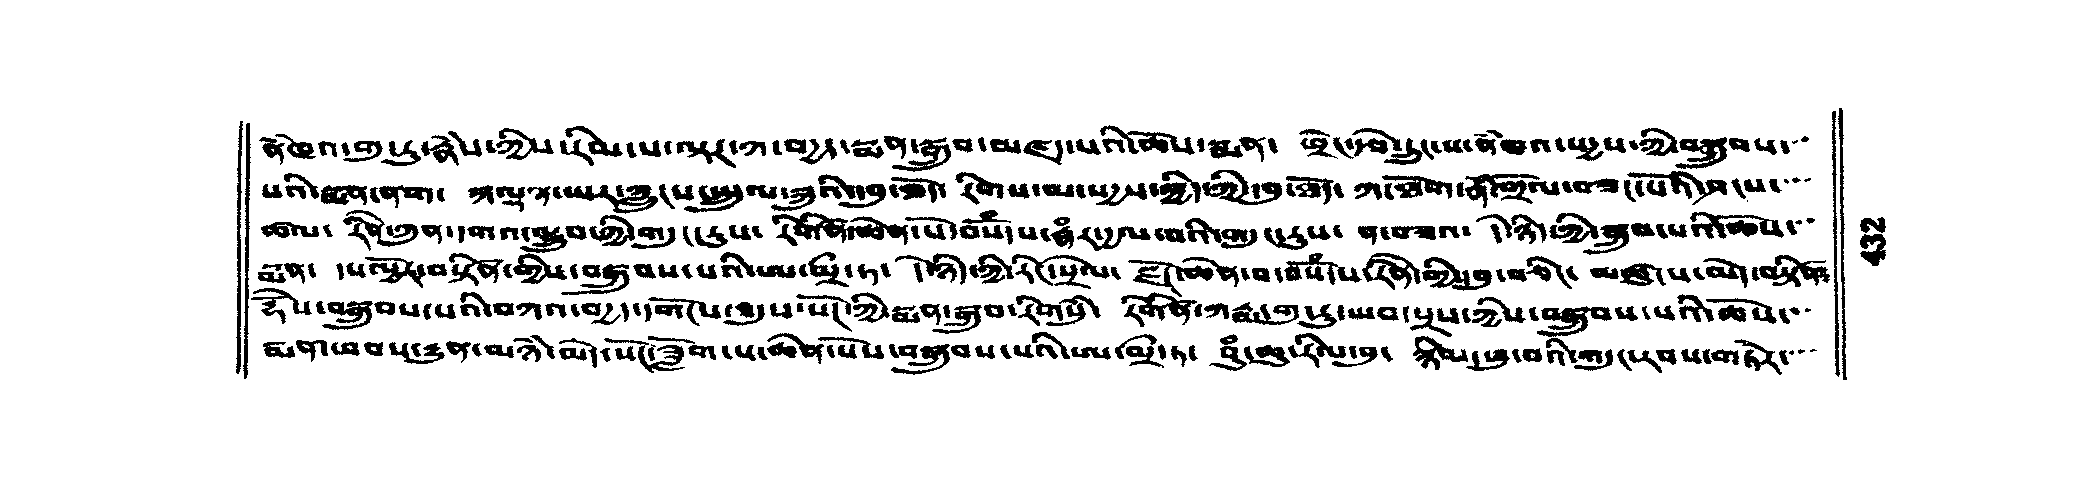ནམ་མཁའ་གུ་རུ་རྣམས་ཀྱིས་རིམ་པ་ལྟར་བཀའ་བརྒྱད་སྨན་སྒྲུབ་མཛད་པའི་ཆོས་སྨན། ཕྲེང་རྩེ་དྲུང་པ་ནམ་མཁའ་སངས་རྒྱས་ཀྱིས་བསྒྲུབས་
པའི་སྨན་ནག སྐལ་ལྡན་ཡར་ཀླུང་སྤྲུལ་སྐུའི་དབུ་ཐོད། རིག་མ་སངས་རྒྱས་སྐྱིད་ཀྱི་དབུ་ཐོད། ཀཿཐོག་རྣམ་གྲོལ་བཟང་པོའི་ཤངས་
ཚལ། རིན་ཆེན་ཀུན་དགའ་ལྷུན་གྲུབ་ཀྱི་གདུང་རུས། རིག་འཛིན་ཆེན་པོ་བསོད་ནམས་རྣམ་པར་རྒྱལ་བའི་གདུང་རུས། ན་བཟའ། དེ་ཉིད་ཀྱིས་ནསྒྲུབས་པའི་ཆོས་
སྨན། དཔལ་འབྱོར་བསྟན་འཛིན་གྱིས་བསྒྲུབས་པའི་ཨ་མྲྀ་ཏ། དེ་ཉིད་ཀྱི་རིང་སྲེལ། རྫོགས་ཆེན་བསོད་ནམས་རིན་ཆེན་གྱི་དབུ་བཅིང་། མཚུངས་མེད་བསྟན་འཛིན་
རྡོ་རྗེས་བསྒྲུབས་པའི་བཀའ་བརྒྱད་དགོངས་འདུས་སོགས་ཀྱི་སྨན་སྒྲུབ་རིགས་གསུམ། རིག་འཛིན་ཀརྨ་གུ་རུ་ཡབ་སྲས་ཀྱིས་བསྒྲུབས་པའི་ཆོས་
སྨན་ཕབས་རྒྱུན་མཉམ་མེད་སོག་ཟློག་པ་ཆེན་པོས་བསྒྲུབས་པའི་ཨ་མྲྀ་ཏ། བུམ་ཆུ་རིལ་བུ། སྙིམ་ཕུ་བའི་གདུང་རབས་གཏེར་